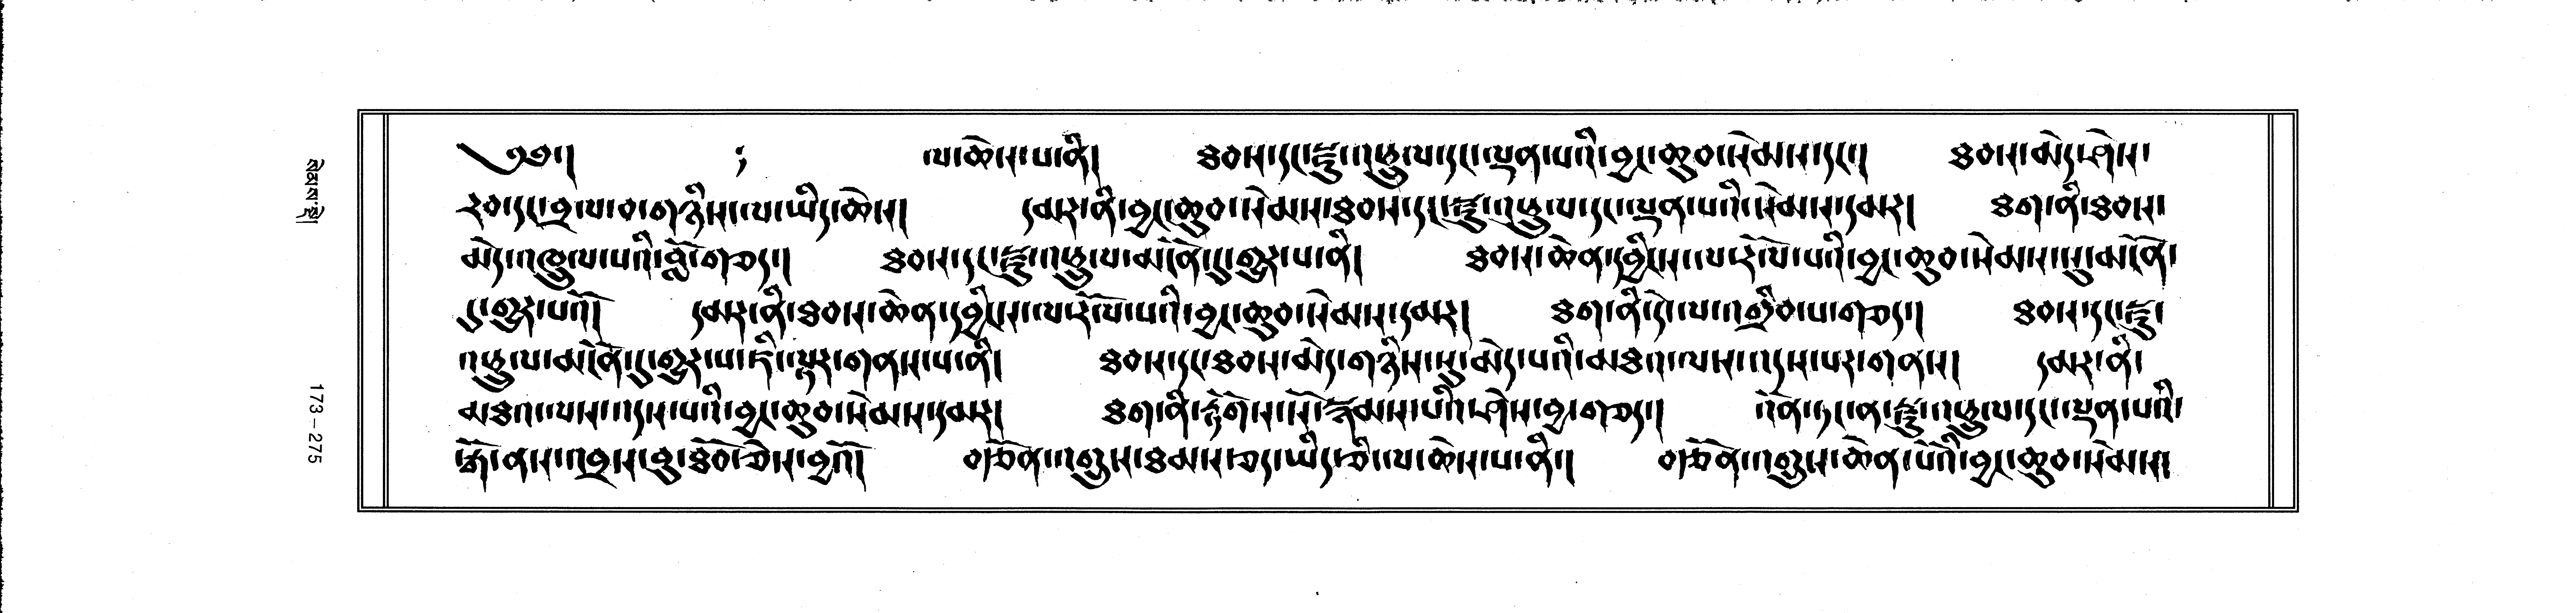ལ་ཆེས་པ་ནི། ཐབས་དང་རྫུ་འཕྲུལ་དང་ལྡན་པའི་བྱང་ཆུབ་སེམས་དང་། ཐབས་མེད་ཤེས་
རབ་དང་བྲལ་བ་གཉིས་ལ་ཡིད་ཆེས། དམར་ནི་བྱང་ཆུབ་སེམས་ཐབས་དང་རྫུ་འཕྲུལ་དང་ལྡན་པའི་སེམས་དམར། ཐག་ནི་ཐགས་
མེད་འཁྲུལ་པའི་བློ་གཅད། ཐབས་དང་རྫུ་འཕྲུལ་མངོན་དུ་གྱུར་པ་ནི། ཐབས་ཆེན་དབྱིངས་ལ་རོལ་པའི་བྱང་ཆུབ་སེམས་སུ་མངོན་
དུ་གྱུར་པའོ། །དམར་ནི་ཐབས་ཆེན་དབྱིངས་ལ་རོལ་པའི་བྱང་ཆུབ་སེམས་དམར། ཐག་ནི་དེ་ལ་འགྲིབ་པ་གཅད། ཐབས་དང་རྫུ་
འཕྲུལ་མངོན་དུ་གྱུར་པ་ཇི་ལྟར་གནས་པ་ནི། ཐབས་དང་ཐབས་མེད་གཉིས་སུ་མེད་པའི་མཐའ་ལས་འདས་པར་གནས། དམར་ནི་
མཐའ་ལས་འདས་པའི་བྱང་ཆུབ་སེམས་དམར། ཐག་ནི་རྟོགས་སོ་སྙམ་པའི་ཤེས་བྱ་གཅད། འོན་ཏང་ན་རྫུ་འཕྲུལ་དང་ལྡན་པའི་
སྒོ་ནས་འབྲས་བུ་ཐོབ་ཅེས་བྱའོ། །བརྩོན་འགྲུས་ཐམས་ཅད་ཡིད་ཅི་ལ་ཆེས་པ་ནི། བརྩོན་འགྲུས་ཆེན་པོའི་བྱང་ཆུབ་སེམས་